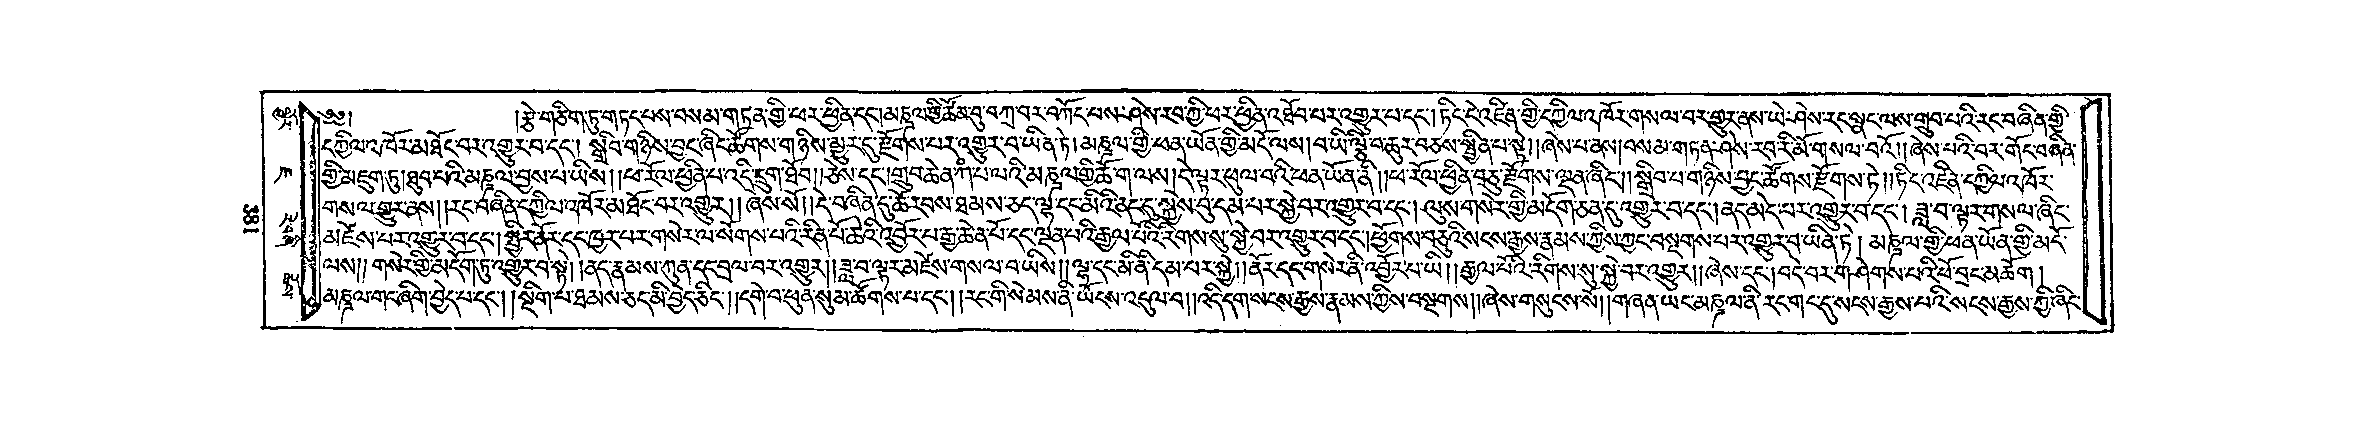༄༅། །རྩེ་གཅིག་ཏུ་གཏད་པས་བསམ་གཏན་གྱི་ཕར་ཕྱིན་དང་། མཎྜལ་གྱི་ཚོམ་བུ་བཀྲ་བར་བཀོད་པས་ཤེས་རབ་གྱི་ཕར་ཕྱིན་འཐོབ་པར་འགྱུར་པ་དང་། ཏིང་ངེ་འཛིན་གྱི་དཀྱིལ་འཁོར་གསལ་བར་གྱུར་ནས་ཡེ་ཤེས་རང་སྣང་ལས་གྲུབ་པའི་རང་བཞིན་གྱི་
དཀྱིལ་འཁོར་མཐོང་བར་འགྱུར་བ་དང་། སྒྲིབ་གཉིས་བྱང་ཞིང་ཚོགས་གཉིས་མྱུར་དུ་རྫོགས་པར་འགྱུར་བ་ཡིན་ཏེ། མཎྜལ་གྱི་ཕན་ཡོན་གྱི་མདོ་ལས། བ་ཡི་ལྕི་བ་ཆུར་བཅས་སྦྱིན་པ་སྟེ། །ཞེས་པ་ནས། བསམ་གཏན་ཤེས་རབ་རི་མོ་གསལ་བའོ། །ཞེས་པའི་བར་གོང་བཞིན་
གྱི་མཇུག་ཏུ། ཐུབ་པའི་མཎྜལ་བྱས་པ་ཡིས། །ཕ་རོལ་ཕྱིན་པ་འདི་དྲུག་ཐོབ། །ཅེས་དང་། གྲུབ་ཆེན་ཀཾ་པ་ལའི་མཎྜལ་གྱི་ཆོ་ག་ལས། དེ་ལྟར་ཕུལ་བའི་ཕན་ཡོན་ནི། །ཕ་རོལ་ཕྱིན་བཅུ་རྫོགས་ལྡན་ཞིང་། །སྒྲིབ་པ་གཉིས་བྱང་ཚོགས་རྫོགས་ཏེ། །ཏིང་འཛིན་དཀྱིལ་འཁོར་
གསལ་གྱུར་ནས། །རང་བཞིན་དཀྱིལ་འཁོར་མཐོང་བར་འགྱུར། །ཞེས་སོ། །དེ་བཞིན་དུ་ཚེ་རབས་ཐམས་ཅད་ལྷ་དང་མིའི་ནང་དུ་སྐྱེས་བུ་དམ་པར་སྐྱེ་བར་འགྱུར་བ་དང་། ལུས་གསེར་གྱི་མདོག་ཅན་དུ་འགྱུར་བ་དང་། ནད་མེད་པར་འགྱུར་བ་དང་། ཟླ་བ་ལྟར་གསལ་ཞིང་
མཛེས་པར་འགྱུར་བ་དང་། སྤྱིར་ནོར་དང་ཁྱར་པར་གསེར་ལ་སོགས་པའི་རིན་པོ་ཆེའི་འབྱོར་པ་རྒྱ་ཆེན་པོ་དང་ལྡན་པའི་རྒྱལ་པོའི་རིགས་སུ་སྐྱེ་བར་འགྱུར་བ་དང་། ཕྱོགས་བཅུའི་སངས་རྒྱས་རྣམས་ཀྱིས་ཀྱང་བསྔགས་པར་འགྱུར་བ་ཡིན་ཏེ། མཎྜལ་གྱི་ཕན་ཡོན་གྱི་མདོ་
ལས། །གསེར་གྱི་མདོག་ཏུ་འགྱུར་བ་སྟེ། །ནད་རྣམས་ཀུན་དང་བྲལ་བར་འགྱུར། །ཟླ་བ་ལྟར་མཛེས་གསལ་བ་ཡིས། །ལྷ་དང་མི་ནི་དམ་པར་སྐྱེ། །ནོར་དང་གསེར་ནི་འབྱོར་པ་ཡི། །རྒྱལ་པོའི་རིགས་སུ་སྐྱེ་བར་འགྱུར། །ཞེས་དང་། བདེ་བར་གཤེགས་པའི་ཕོ་བྲང་མཆོག་
མཎྜལ་གང་ཞིག་བྱེད་པ་དང་། །སྡིག་པ་ཐམས་ཅད་མི་བྱེད་ཅིང་། །དགེ་བ་ཕུན་སུམ་ཚོགས་པ་དང་། །རང་གི་སེམས་ནི་ཡོངས་འདུལ་བ། །འདི་དག་སངས་རྒྱས་རྣམས་ཀྱིས་བསྔགས། །ཞེས་གསུངས་སོ། །གཞན་ཡང་མཎྜལ་ནི་རང་གང་དུ་སངས་རྒྱས་པའི་སངས་རྒྱས་ཀྱི་ཞིང་